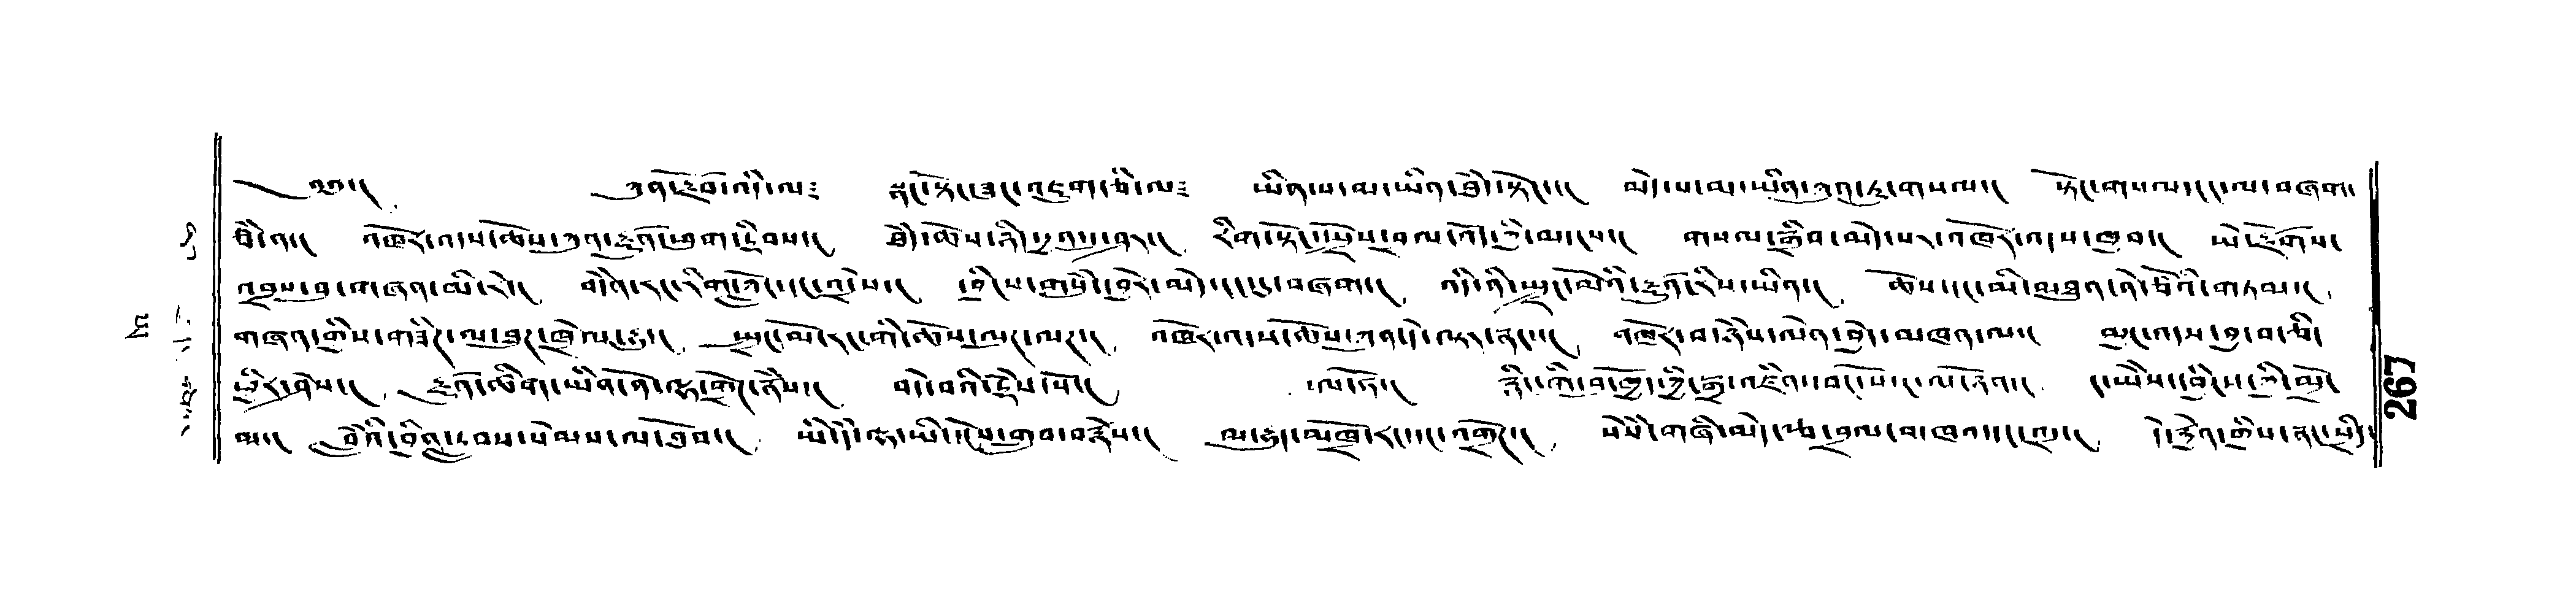ཀུན་རྫོབ་འདི་ལ༴ སྣང་སྟོང་ཟུང་འཇུག་ཅི་ལ༴ ཡིན་པ་མ་ཡིན་ཐམས་ཅད་སྟོང་། །མེད་པ་མ་ཡིན་ཀུན་ཏུ་གསལ། །སྟོང་གསལ་ངང་ལ་བཞག་
ཙམ་ན། །འཁོར་འདས་ཆོས་ཀུན་རྫུན་ཕུག་རྡིབས། །ཐམས་ཅད་ཆོས་ཉིད་རྒྱན་དུ་ཤར། །རིག་སྟོང་སྤྲོས་བྲལ་འོད་ཀྱི་མདངས། །གསལ་སྒྲིབ་མེད་པར་འཁོར་འདས་ཁྱབ། །ཡེ་རྫོགས་
འབྲས་བུ་གཞན་མི་རེ། །བདེ་ཆེན་རང་རིག་ཀློང་དང་འདྲེས། །དབྱིངས་གསུམ་དབྱེར་མེད་ངང་དུ་བཞག །འདི་ནི་སྤྲང་མོའི་རྫུན་རིས་ཡིན། །ཆོས་དང་མི་མཐུན་ནེ་ཙོའི་གཏམ། །
གཞན་གྱིས་གཟིགས་ལ་ཐུགས་ཁྲེལ་རྒྱུ། །སྤྲང་མོ་རང་གི་ཆོས་ལུགས་ལགས། །འཁོར་འདས་ཆོས་ཀུན་དེ་ལྟར་སྣང་། །འཁོར་བ་ཉམས་ལེན་བྱེད་མཁན་ལ། །མྱང་འདས་བྱ་བ་ཅི་
ཕྱིར་ཤེས། །རྫུན་ཚིག་ཡིན་ནོ་ལྷ་གྲོགས་རྣམས།བདེ་བའི་རྡོ་རྗེས་སོ། ཨ་ཧོ། སྙིང་གི་བུ་ཁྱོད་ཀྱི་སྒྲ་འཛིན་དབང་པོ་ང་ལ་ཉོན། །ང་ཡེ་ཤེས་དབྱིངས་ཀྱི་མཁའ་འགྲོ་
མ། །བླ་མའི་བྱིན་རླབས་སེམས་ལ་ཐོབ། །ཡི་དམ་ལྷ་ཡི་དངོས་གྲུབ་བརྙེས། །མ་རྒྱུད་མཁའ་འགྲོ་རང་དང་འགྲོགས། །སེམས་གཞི་མེད་རྩ་བྲལ་མཁའ་དང་འདྲ། །དེའི་རྐྱེན་གྱིས་སྣང་སྲིད་